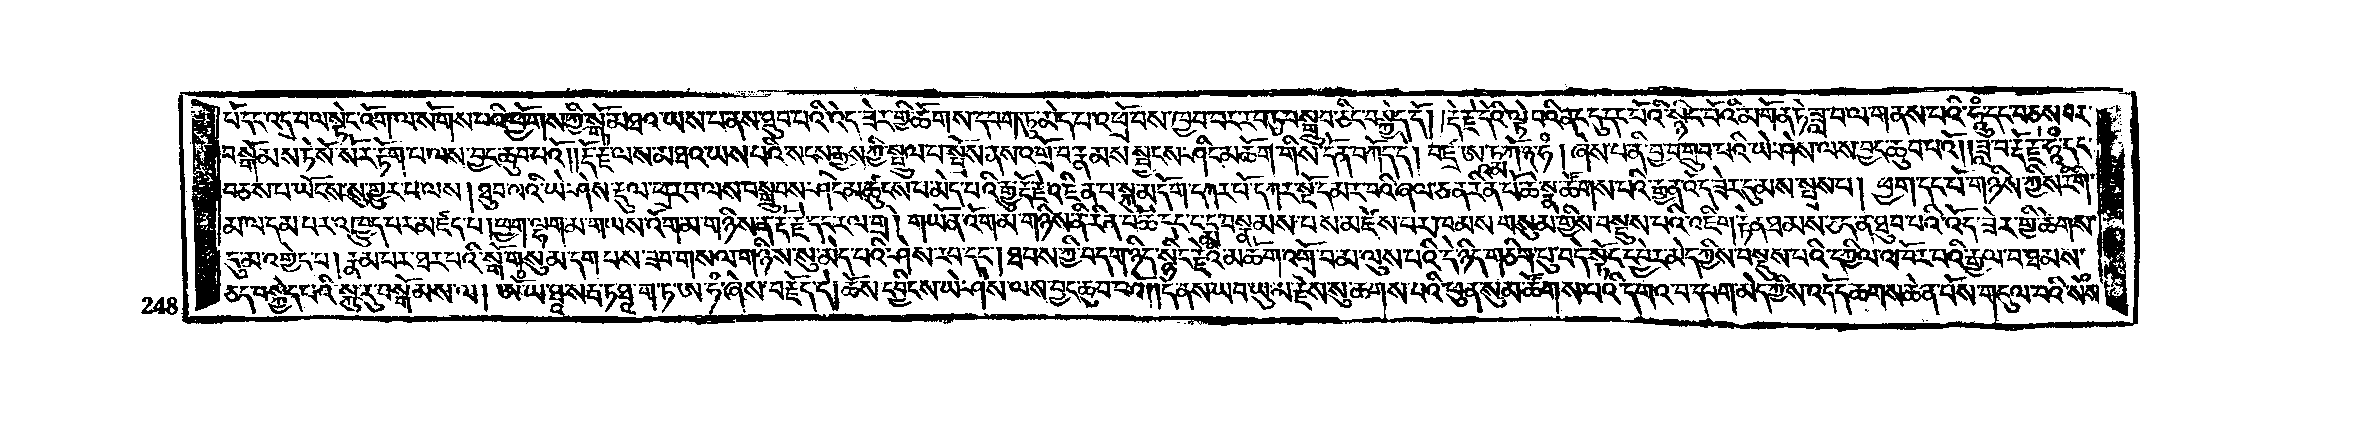པོ་དང་འདྲ་བ་ལ་སྟེང་འོག་ལ་སོགས་པའི་ཕྱོགས་ཀྱི་སྒོ་མཐའ་ཡས་པ་ནས་ཐུབ་པའི་འོད་ཟེར་གྱི་ཚོགས་དཔག་ཏུ་མེད་པ་འཕྲོ་བས་ཁྱབ་པར་རབ་ཏུ་བསྒྲུབ་ཅིང་བསྐྱེད་དོ། །རྡོ་རྗེ་དེའི་ལྟེ་བའི་ནང་དུ་དང་པོའི་སྙིང་པོའི་མགོན་ཏེ་ཟླ་བ་ལ་གནས་པའི་ཧཱུཾ་དང་བཅས་པར་
བསྒོམས་ཏེ་སོ་སོར་རྟོག་པ་ལས་བྱང་ཆུབ་པའོ། །རྡོ་རྗེ་ལས་མཐའ་ཡས་པའི་སངས་རྒྱས་ཀྱི་སྤྲུལ་པ་སྤྲོས་ནས་འགྲོ་བ་རྣམས་སྦྱངས་ཤིང་མཆོག་གིས་དོན་བཀོད་དེ། བྫྲ་ཨཱ་ཏྨ་ཀོ་ཉ་ཧཾ། ཞེས་པ་ནི་བྱ་བ་གྲུབ་པའི་ཡེ་ཤེས་ལས་བྱང་ཆུབ་པའོ། །ཟླ་བ་རྡོ་རྗེ་ཧཱཾ་དང་
བཅས་པ་ཡོངས་སུ་གྱུར་པ་ལས། ཐུབ་ལའི་ཡེ་ཤེས་རྡུལ་ཕྲ་རབ་ལས་བསྒྲུབས་ཤིང་མཚུངས་པ་མེད་པའི་རྒྱུ་རྡོ་རྗེ་འཛིན་པ་སྐུ་མདོག་དཀར་པོ་དཀར་སྔོ་དམར་བའི་ཞལ་ཅན་རིན་པོ་ཆེ་སྣ་ཚོགས་པའི་རྒྱན་འོད་ཟེར་དུ་མས་སྤྲས་པ། ཕྱག་དང་པོ་གཉིས་ཀྱིས་རིག་
མ་ལ་དམ་པར་འཁྱུད་པར་མཛད་པ། ཕྱག་ལྷག་མ་གཡས་འོག་མ་གཉིས་ན་རྡོ་རྗེ་དང་རལ་གྲི། གཡོན་འོག་མ་གཉིས་ནི་རིན་པོ་ཆེ་དང་པདམ་བསྣམས་པས་མཛེས་པར་ཁམས་གསུམ་གྱིས་བསྡུས་པའི་འཇིག་རྟེན་ཐམས་ཅད་ན་ཐུབ་པའི་འོད་ཟེར་གྱི་ཚོགས་
དུ་མ་འགྱེད་པ། རྣམ་པར་ཐར་པའི་སྒོ་གསུམ་དག་པས་ཟབ་གསལ་གཉིས་སུ་མེད་པའི་ཤེས་རབ་དང་། ཐབས་ཀྱི་བདག་ཉིད་སྙིང་རྗེའི་མཆོག་འགྲོ་བ་མ་ལུས་པའི་དེ་ཉིད་གཅིག་པུ་བདེ་སྟོང་དབྱེར་མེད་ཀྱིས་བསྡུས་པའི་དཀྱིལ་འཁོར་བའི་རྒྱལ་བ་ཐམས་
ཅད་བསྐྱེད་པའི་སྐུ་རུ་བསྒོམས་ལ། ཨོཾ་ཡ་ཐཱ་སརབ་ཏ་ཐཱ་ག་ཏ་ཨ་ཧཾ་ཞེས་བརྗོད་དེ། ཆོས་དབྱིངས་ཡེ་ཤེས་ལས་བྱང་ཆུབ་པའོ། །དེ་ནས་ཡབ་ཡུམ་རྗེས་སུ་ཆགས་པའི་ཕུན་སུམ་ཚོགས་པའི་དགའ་བ་དཔག་མེད་ཀྱིས་འདོད་ཆགས་ཆེན་པོས་གདུལ་བའི་སེམས་